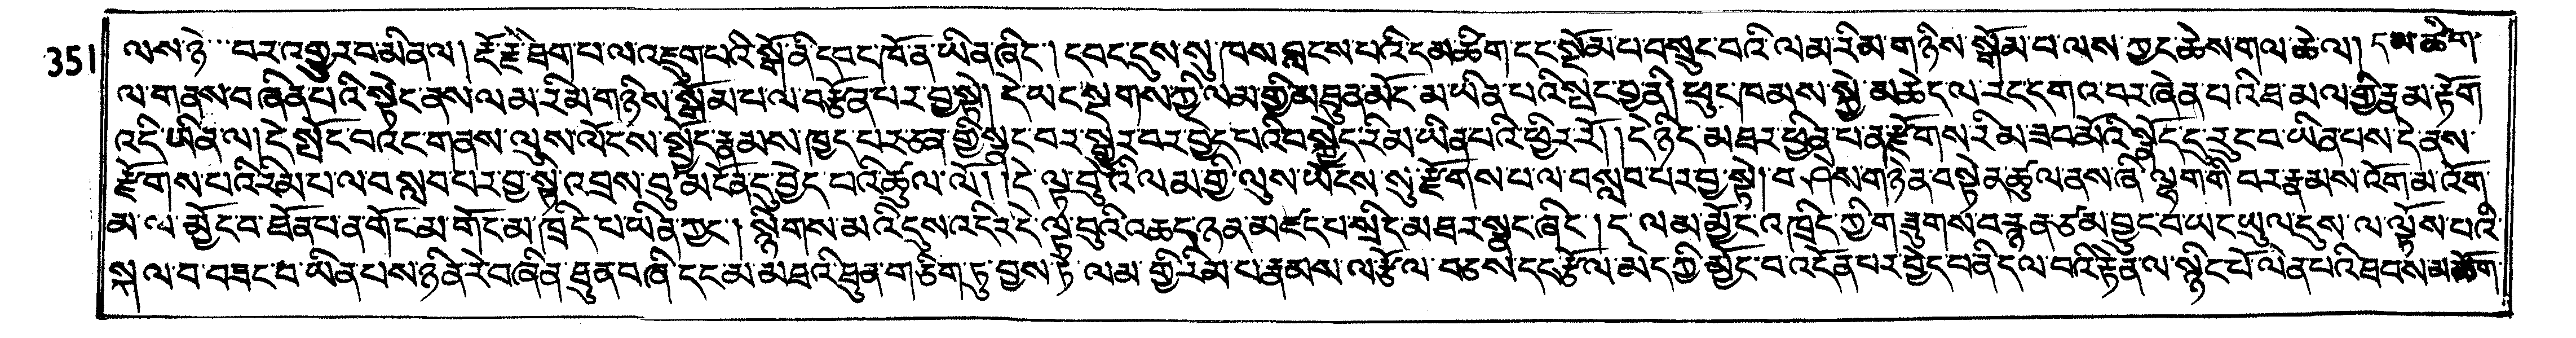ལས་ཉེ་བར་འགྱུར་བ་མིན་ལ། རྡོ་རྗེ་ཐེག་པ་ལ་འཇུག་པའི་སྒོ་ནི་དབང་ཁོ་ན་ཡིན་ཞིང་། དབང་དུས་སུ་ཁས་བླངས་པའི་དམ་ཚིག་དང་སྡོམ་པ་བསྲུང་བའི་ལམ་རིམ་གཉིས་སྒོམ་པ་ལས་ཀྱང་ཆེས་གལ་ཆེ་ལ། དམ་ཚིག་
ལ་གནས་བཞིན་པའི་སྟེང་ནས་ལམ་རིམ་གཉིས་སྒོམ་པ་ལ་བརྩོན་པར་བྱ་སྟེ། དེ་ཡང་སྔགས་ཀྱི་ལམ་གྱི་མཐུན་མོང་མ་ཡིན་པའི་སྤང་བྱ་ནི། ཕུང་ཁམས་སྐྱེ་མཆེད་ལ་རང་དགའ་བར་ཞེན་པའི་ཐ་མལ་གྱི་རྣམ་རྟོག་
འདི་ཡིན་ལ། དེ་སྤོང་བའང་གནས་ལུས་ལོངས་སྤྱོད་རྣམས་ཁྱད་པར་ཅན་གྱི་སྣང་བར་སྒྱུར་བར་བྱེད་པའི་བསྐྱེད་རིམ་ཡིན་པའི་ཕྱིར་རོ། །དེ་ཉིད་མཐར་ཕྱིན་པ་ན་རྫོགས་རིམ་ཟབ་མོའི་སྣོད་དུ་རུང་བ་ཡིན་པས་དེ་ནས་
རྫོགས་པའི་རིམ་པ་ལ་བསླབ་པར་བྱ་སྟེ་འབྲས་བུ་མངོན་དུ་བྱེད་པའི་ཚུལ་ལོ། །དེ་ལྟ་བུའི་ལམ་གྱི་ལུས་ཡོངས་སུ་རྫོགས་པ་ལ་བསླབ་པར་བྱ་སྟེ། བཤེས་གཉེན་བསྟེན་ཚུལ་ནས་ཞི་ལྷག་གི་བར་རྣམས་འོག་མ་འོག་
མ་ལ་མྱོང་བ་ཐོན་པ་ན་གོང་མ་གོང་མ་ཁྲིད་པ་ཡིན་ཀྱང་། སྙིགས་མའི་དུས་འདིར་དེ་ལྟ་བུའི་འཆད་ཉན་མཛད་པ་སྲིད་མཐར་སྣང་ཞིང་། ད་ལམ་མྱོང་འཁྲིད་ཀྱི་གཟུགས་བརྙན་ཙམ་བྱུང་བ་ཡང་ཡུལ་དུས་ལ་ལྟོས་པའི་
སྐལ་བ་བཟང་བ་ཡིན་པས་ཉིན་རེ་བཞིན་ཐུན་བཞི་དང་མ་མཐའི་ཐུན་གཅིག་ཏུ་བྱས་ཏེ་ལམ་གྱི་རིམ་པ་རྣམས་ལ་རྩོལ་བཅས་དང་རྩོལ་མེད་ཀྱི་མྱོང་བ་འདོན་པར་བྱེད་པ་ནི་དལ་བའི་རྟེན་ལ་སྙིང་པོ་ལེན་པའི་ཐབས་མཆོག་